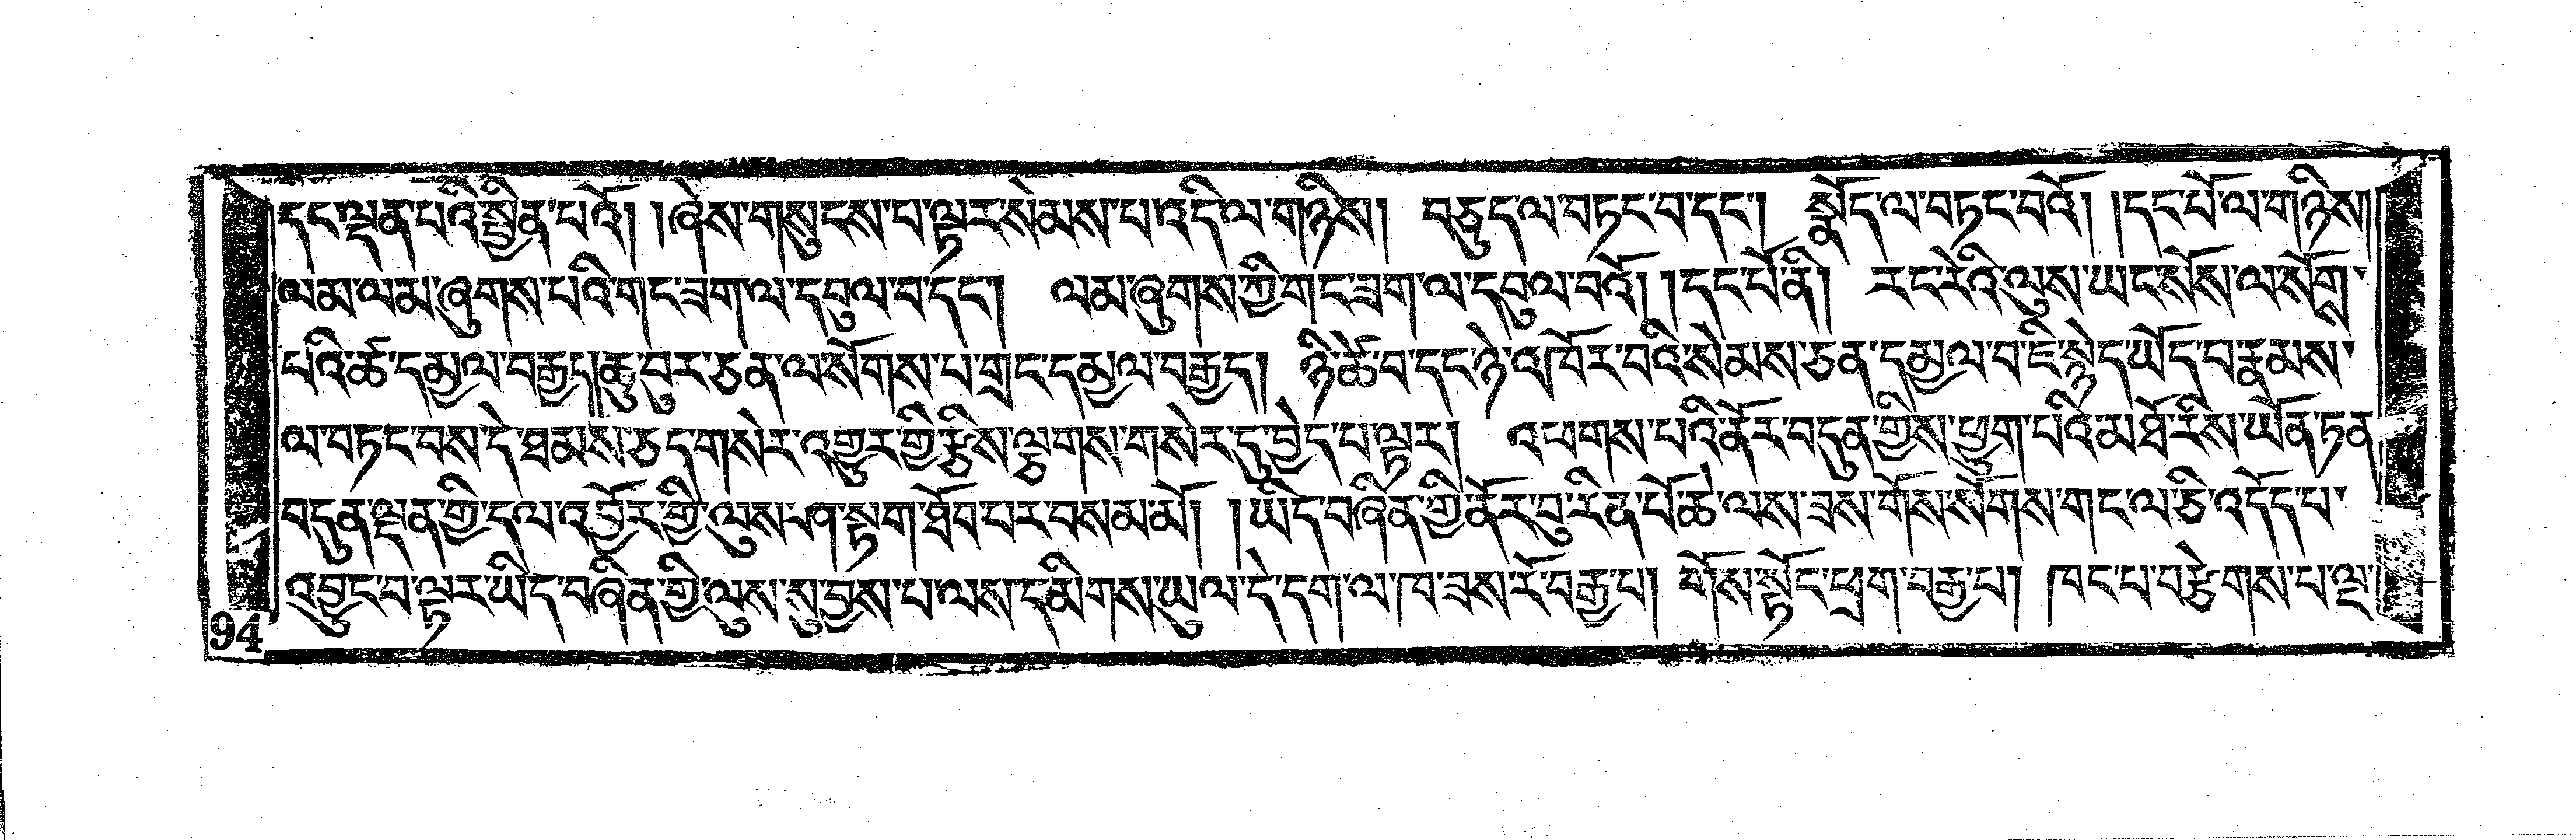དང་ལྡན་པའི་སྦྱིན་པའོ། །ཞེས་གསུངས་པ་ལྟར་སེམས་པ་འདི་ལ་གཉིས། བཅུད་ལ་བཏང་བ་དང་། སྣོད་ལ་བཏང་བའོ། །དང་པོ་ལ་གཉིས། །
ལམ་ལམ་ཞུགས་པའི་གང་ཟག་ལ་དབུལ་བ་དང་། ལམ་ཞུགས་ཀྱི་གང་ཟག་ལ་དབུལ་བའོ། །དང་པོ་ནི། རང་རེའི་ལུས་ཡང་སོས་ལ་སོགས་
པའི་ཚ་དམྱལ་བརྒྱད། ཆུ་བུར་ཅན་ལ་སོགས་པ་གྲང་དམྱལ་བརྒྱད། ཉི་ཚེ་བ་དང་ཉེ་འཁོར་བའི་སེམས་ཅན་དམྱལ་བ་ཇི་སྙེད་ཡོད་པ་རྣམས་
ལ་བཏང་བས་དེ་ཐམས་ཅད་གསེར་འགྱུར་གྱི་རྩིས་ལྕགས་གསེར་དུ་བྱེད་པ་ལྟར། འཕགས་པའི་ནོར་བདུན་གྱིས་ཕྱུག་པའི་མཐོ་རིས་ཡོན་ཏན་
བདུན་ལྡན་གྱི་དལ་འབྱོར་གྱི་ལུས་ཤ་སྟག་ཐོབ་པར་བསམ་མོ། །ཡིད་བཞིན་གྱི་ནོར་བུ་རིན་པོ་ཆེ་ལས་ཟས་གོས་སོགས་གང་ལ་ཅི་འདོད་པ་
འབྱུང་བ་ལྟར་ཡིད་བཞིན་གྱི་ལུས་སུ་བྱས་པ་ལས་དམིགས་ཡུལ་དེ་དག་ལ་ཁ་ཟས་རོ་བརྒྱ་པ། གོས་སྟོང་ཕྲག་བརྒྱ་པ། ཁང་པ་བརྩེགས་པ་ལྔ་